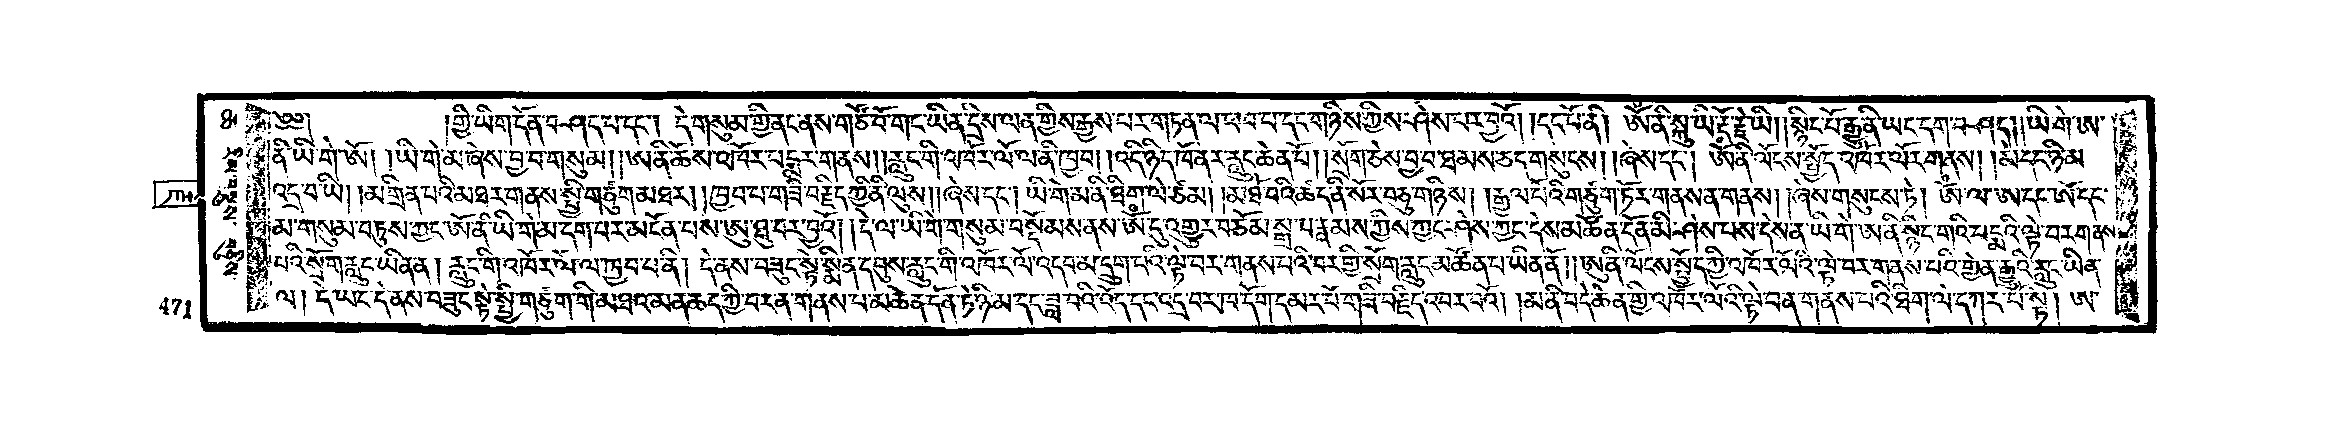༄༅། །གྱི་ཡིག་དོན་བཤད་པ་དང་། དེ་གསུམ་གྱི་ནང་ནས་གཙོ་བོ་གང་ཡིན་དྲིས་ལན་གྱིས་རྒྱས་པར་གཏན་ལ་ཕབ་པ་དང་གཉིས་ཀྱིས་ཤེས་པར་བྱའོ། །དང་པོ་ནི། ཨོཾ་ནི་སྐུ་ཡི་རྡོ་རྗེ་ཡི། །སྙིང་པོ་རྒྱུ་ནི་ཡང་དག་བཤད། །ཡི་གེ་ཨ་
ནི་ཡི་གེ་ཨོ། །ཡི་གེ་མ་ཞེས་བྱ་བ་གསུམ། །ཨ་ནི་ཆོས་འཁོར་པདམར་གནས། །རླུང་གི་འཁོར་ལོ་ལ་ནི་ཁྱབ། །འདི་ཉིད་ཁོ་ནར་རླུང་ཆེན་པོ། །སྲོག་ཅེས་བྱ་བ་ཐམས་ཅད་གསུངས། །ཞེས་དང་། ཨོ་ནི་ལོངས་སྤྱོད་འཁོར་ལོར་གནས། །མེ་དང་ཉི་མ་
འདྲ་བ་ཡི། །མགྲིན་པའི་མཐར་གནས་སྤྱི་གཙུག་མཐར། །ཁྱབ་པ་གཟི་བརྗིད་ཀྱི་ནི་ལུས། །ཞེས་དང་། ཡི་གེ་མ་ནི་ཐིག་ལེ་ཙམ། །མཐོ་བའི་ཚད་ནི་སོར་བཅུ་གཉིས། །རྒྱལ་པོའི་གཙུག་ཏོར་གནས་ན་གནས། །ཞེས་གསུངས་ཏེ། ཨོཾ་ལ་ཨ་དང་ཨོ་དང་
མ་གསུམ་བཏུས་ཀྱང་ཨོ་ནི་ཡི་གེ་མ་དག་པར་མངོན་པས་ཨུ་ཐུ་བར་བྱའོ། །དེ་ལ་ཡི་གེ་གསུམ་བསྡོམས་ནས་ཨོཾ་དུ་འགྱུར་བ་ཙམ་སྒྲ་པ་རྣམས་ཀྱིས་ཀྱང་ཤེས་ཀྱང་དེས་མཚོན་དོན་མི་ཤེས་པས་དེས་ན་ཡི་གེ་ཨ་ནི་སྙིང་གའི་པདམའི་ལྟེ་བར་གནས་
པའི་སྲོག་རླུང་ཡིན་ན། རླུང་གི་འཁོར་ལོ་ལ་ཁྱབ་པ་ནི། དེ་ནས་བཟུང་སྟེ་སྨིན་དབུས་རླུང་གི་འཁོར་ལོ་འདབ་མ་དྲུག་པའི་ལྟེ་བར་གནས་པའི་བར་གྱི་སྲོག་རླུང་མཚོན་པ་ཡིན་ནོ། །ཨུ་ནི་ལོངས་སྤྱོད་ཀྱི་འཁོར་ལོའི་ལྟེ་བར་གནས་པའི་གྱེན་རྒྱུའི་རླུང་ཡིན་
ལ། དེ་ཡང་དེ་ནས་བཟུང་སྟེ་སྤྱི་གཙུག་གི་མཐའ་མན་ཆད་ཀྱི་བར་ན་གནས་པ་མཚོན་དོན་ཏེ་ཉི་མ་དང་ཟླ་བའི་འོད་དང་འདྲ་བར་ཁ་དོག་དམར་པོ་གཟི་བརྗིད་འབར་བའོ། །མ་ནི་བདེ་ཆེན་གྱི་འཁོར་ལོའི་ལྟེ་བ་ན་གནས་པའི་ཐིག་ལེ་དཀར་པོ་སྟེ། ཨ་